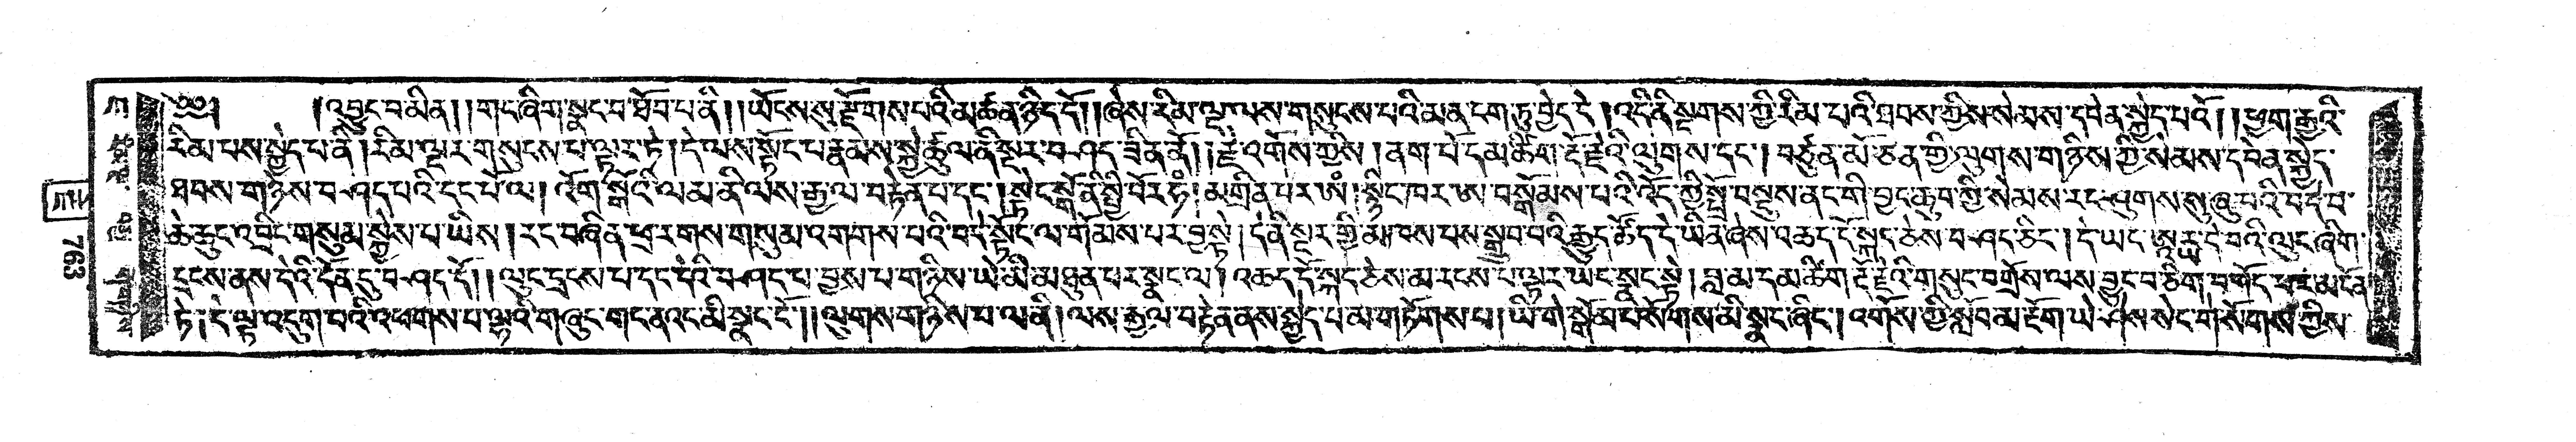༄༅། །འབྱུང་བ་མིན། གང་ཞིག་སྣང་བ་ཐོབ་པ་ནི། །ཡོངས་སུ་རྫོགས་པའི་མཚན་ཉིད་དོ། །ཞེས་རིམ་ལྔ་ལས་གསུངས་པའི་མན་ངག་ཏུ་བྱེད་དེ། འདི་ནི་སྔགས་ཀྱི་རིམ་པའི་ཐབས་ཀྱིས་སེམས་དབེན་སྐྱེད་པའོ། །ཕྱག་རྒྱའི་
རིམ་པས་སྐྱེད་པ་ནི། རིམ་ལྔར་གསུངས་པ་ལྟར་ཏེ། དེ་ལས་སྟོང་པ་རྣམས་སྐྱེ་ཚུལ་ནི་སྔར་བཤད་ཟིན་ནོ། །རྗེ་འགོས་ཀྱིས། ནག་པོ་དམ་ཚིག་རྡོ་རྗེའི་ལུགས་དང་། བཙུན་མོ་ཅན་གྱི་ལུགས་གཉིས་ཀྱི་སེམས་དབེན་སྐྱེད་
ཐབས་གཉིས་བཤད་པའི་དང་པོ་ལ། འོག་སྒོའི་ལམ་ནི་ལས་རྒྱ་ལ་བརྟེན་པ་དང་། སྟེང་སྒོ་ནི་སྤྱི་བོར་ཧཾ། མགྲིན་པར་ཨཾ། སྙིང་ཁར་ཨ་བསྒོམས་པའི་འོད་ཀྱི་སྤྲོ་བསྡུས་ནང་གི་བྱང་ཆུབ་ཀྱི་སེམས་རང་ཤུགས་སུ་ཞུ་བའི་བདེ་བ་
ཆེ་ཆུང་འབྲེང་གསུམ་སྐྱེས་པ་ཡིས། རང་བཞིན་ཕྲ་རགས་གསུམ་འགགས་པའི་བདེ་སྟོང་ལ་གོམས་པར་བྱ་སྟེ། དེ་ནི་སྔར་གྱི་མཁས་པས་སྒྲུབ་པའི་རྒྱུད་ཚོད་དེ་ཡིན་ཞེས་འཆད་དོ་སྐད་ཅེས་བཤད་ཅིང་། དེ་ཡང་ཨཱརྱ་དེ་བའི་ལུང་ཞིག་
དྲངས་ནས་དེའི་དོན་དུ་བཤད་དོ། །ལུང་དྲངས་པ་དང་དེའི་བཤད་པ་བྱས་པ་གཉིས་ཡེ་མི་མཐུན་པར་སྣང་ལ། འཆད་དེ་སྐད་ཅེས་མ་རངས་པ་ལྟར་ཡང་སྣང་སྟེ། བླ་མ་དམ་ཚིག་རྡོ་རྗེའི་གསུང་བགྲོས་ལས་བྱུང་བ་ཅིག་བཀོད་པར་མངོན་
ཏེ། དེ་ལྟ་འདུག་པའི་འཕགས་པ་ལྷའི་གཞུང་གང་ནའང་མི་སྣང་ངོ། །ལུགས་གཉིས་པ་ལ་ནི། ལས་རྒྱ་ལ་བརྟེན་ནས་སྐྱེད་པ་མ་གཏོགས་པ། ཡི་གེ་སྒོམ་པ་སོགས་མི་སྣང་ཞིང་། འགོས་ཀྱི་སློབ་མ་རྔོག་ཡེ་ཤེས་སེང་གེ་སོགས་ཀྱིས་